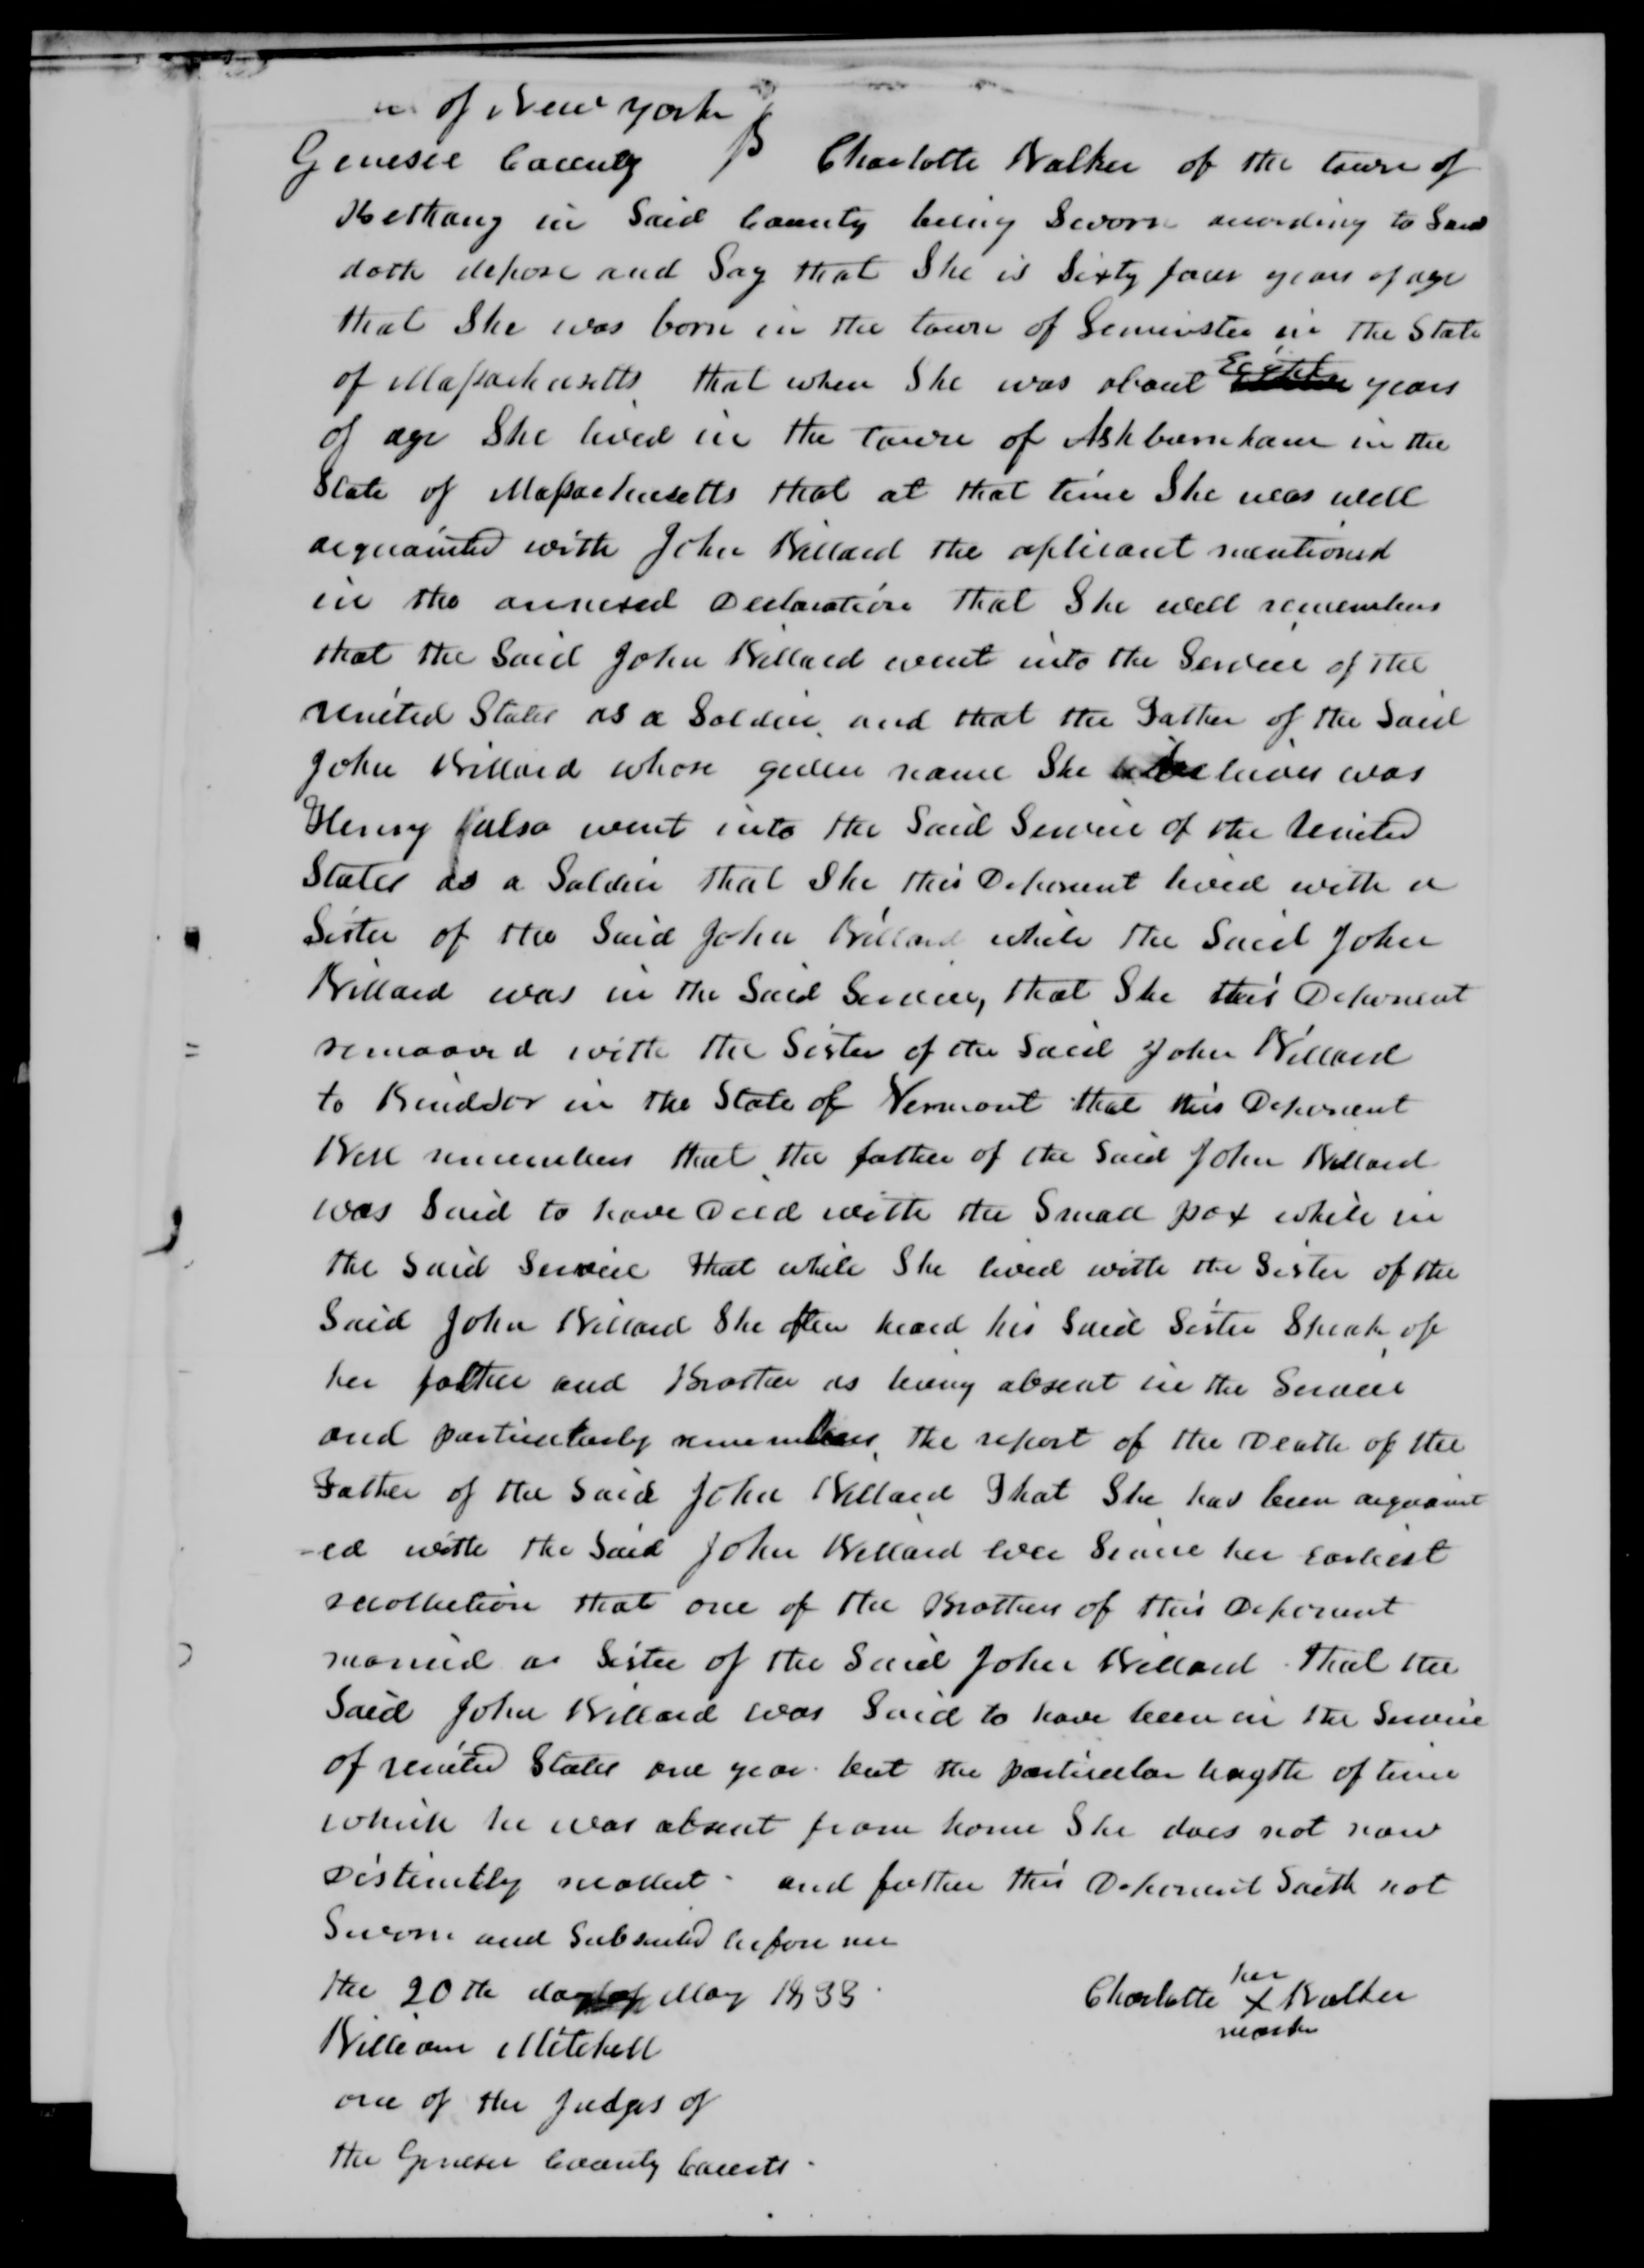State of New York
Genesee County
Charlotte Walker of the town of
Bethany in said County being sworn according to said
doth depose and say that she is Sixty four years of age
that she was born in the town of Seminster in the State of
Massachusetts that when she was about years
of age she lived in the town of Ashburnham in the
State of Massachusetts that at that time she was well
acquainted with John Willard the applicant mentioned
in the annexed Declaration that she well remembers
that the said John Willard went into the service of the
United States as a soldier and that the Father of the said
John Willard whose given name she lives was
Henry also went into the said service of the United States
as a Soldier that she this Deponent lived with a
Sister of the said John Willard while the said John
Willard was in the said service, that she this Deponent
removed with the sister of the said John Willard
to Windsor in the State of Vermont that this Deponent
Well remembers that the father of the said John Willard
was said to have died with the small pox while in
the said service that while she lived with the sister of the
said John Willard She often heard his said Sister Speak of
her father and Brother as long absent in the Service
and particularly remember the report of the death of the
Father of the said John Willard That she has been acquainted with the said John Willard ever since her earliest
recollection that one of the Brothers of this Deponent
married as sister of the said John Willard that the
said John Willard was said to have been in the service
of United States one year but the particular hath of time
which he was absent from home she does not now
distinctly recollect and father this deponent saith not
Charlotte her x mark Walker
Sworn and subscribed before me
the 20th day of May 1833
William Mitchell
one of the Judges of
the Genesee County Courts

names: John Willard, Charlotte Walker, William Mitchell, Henry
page: 11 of 18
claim: survivor's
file: S. 11848, John Willard, N. H.